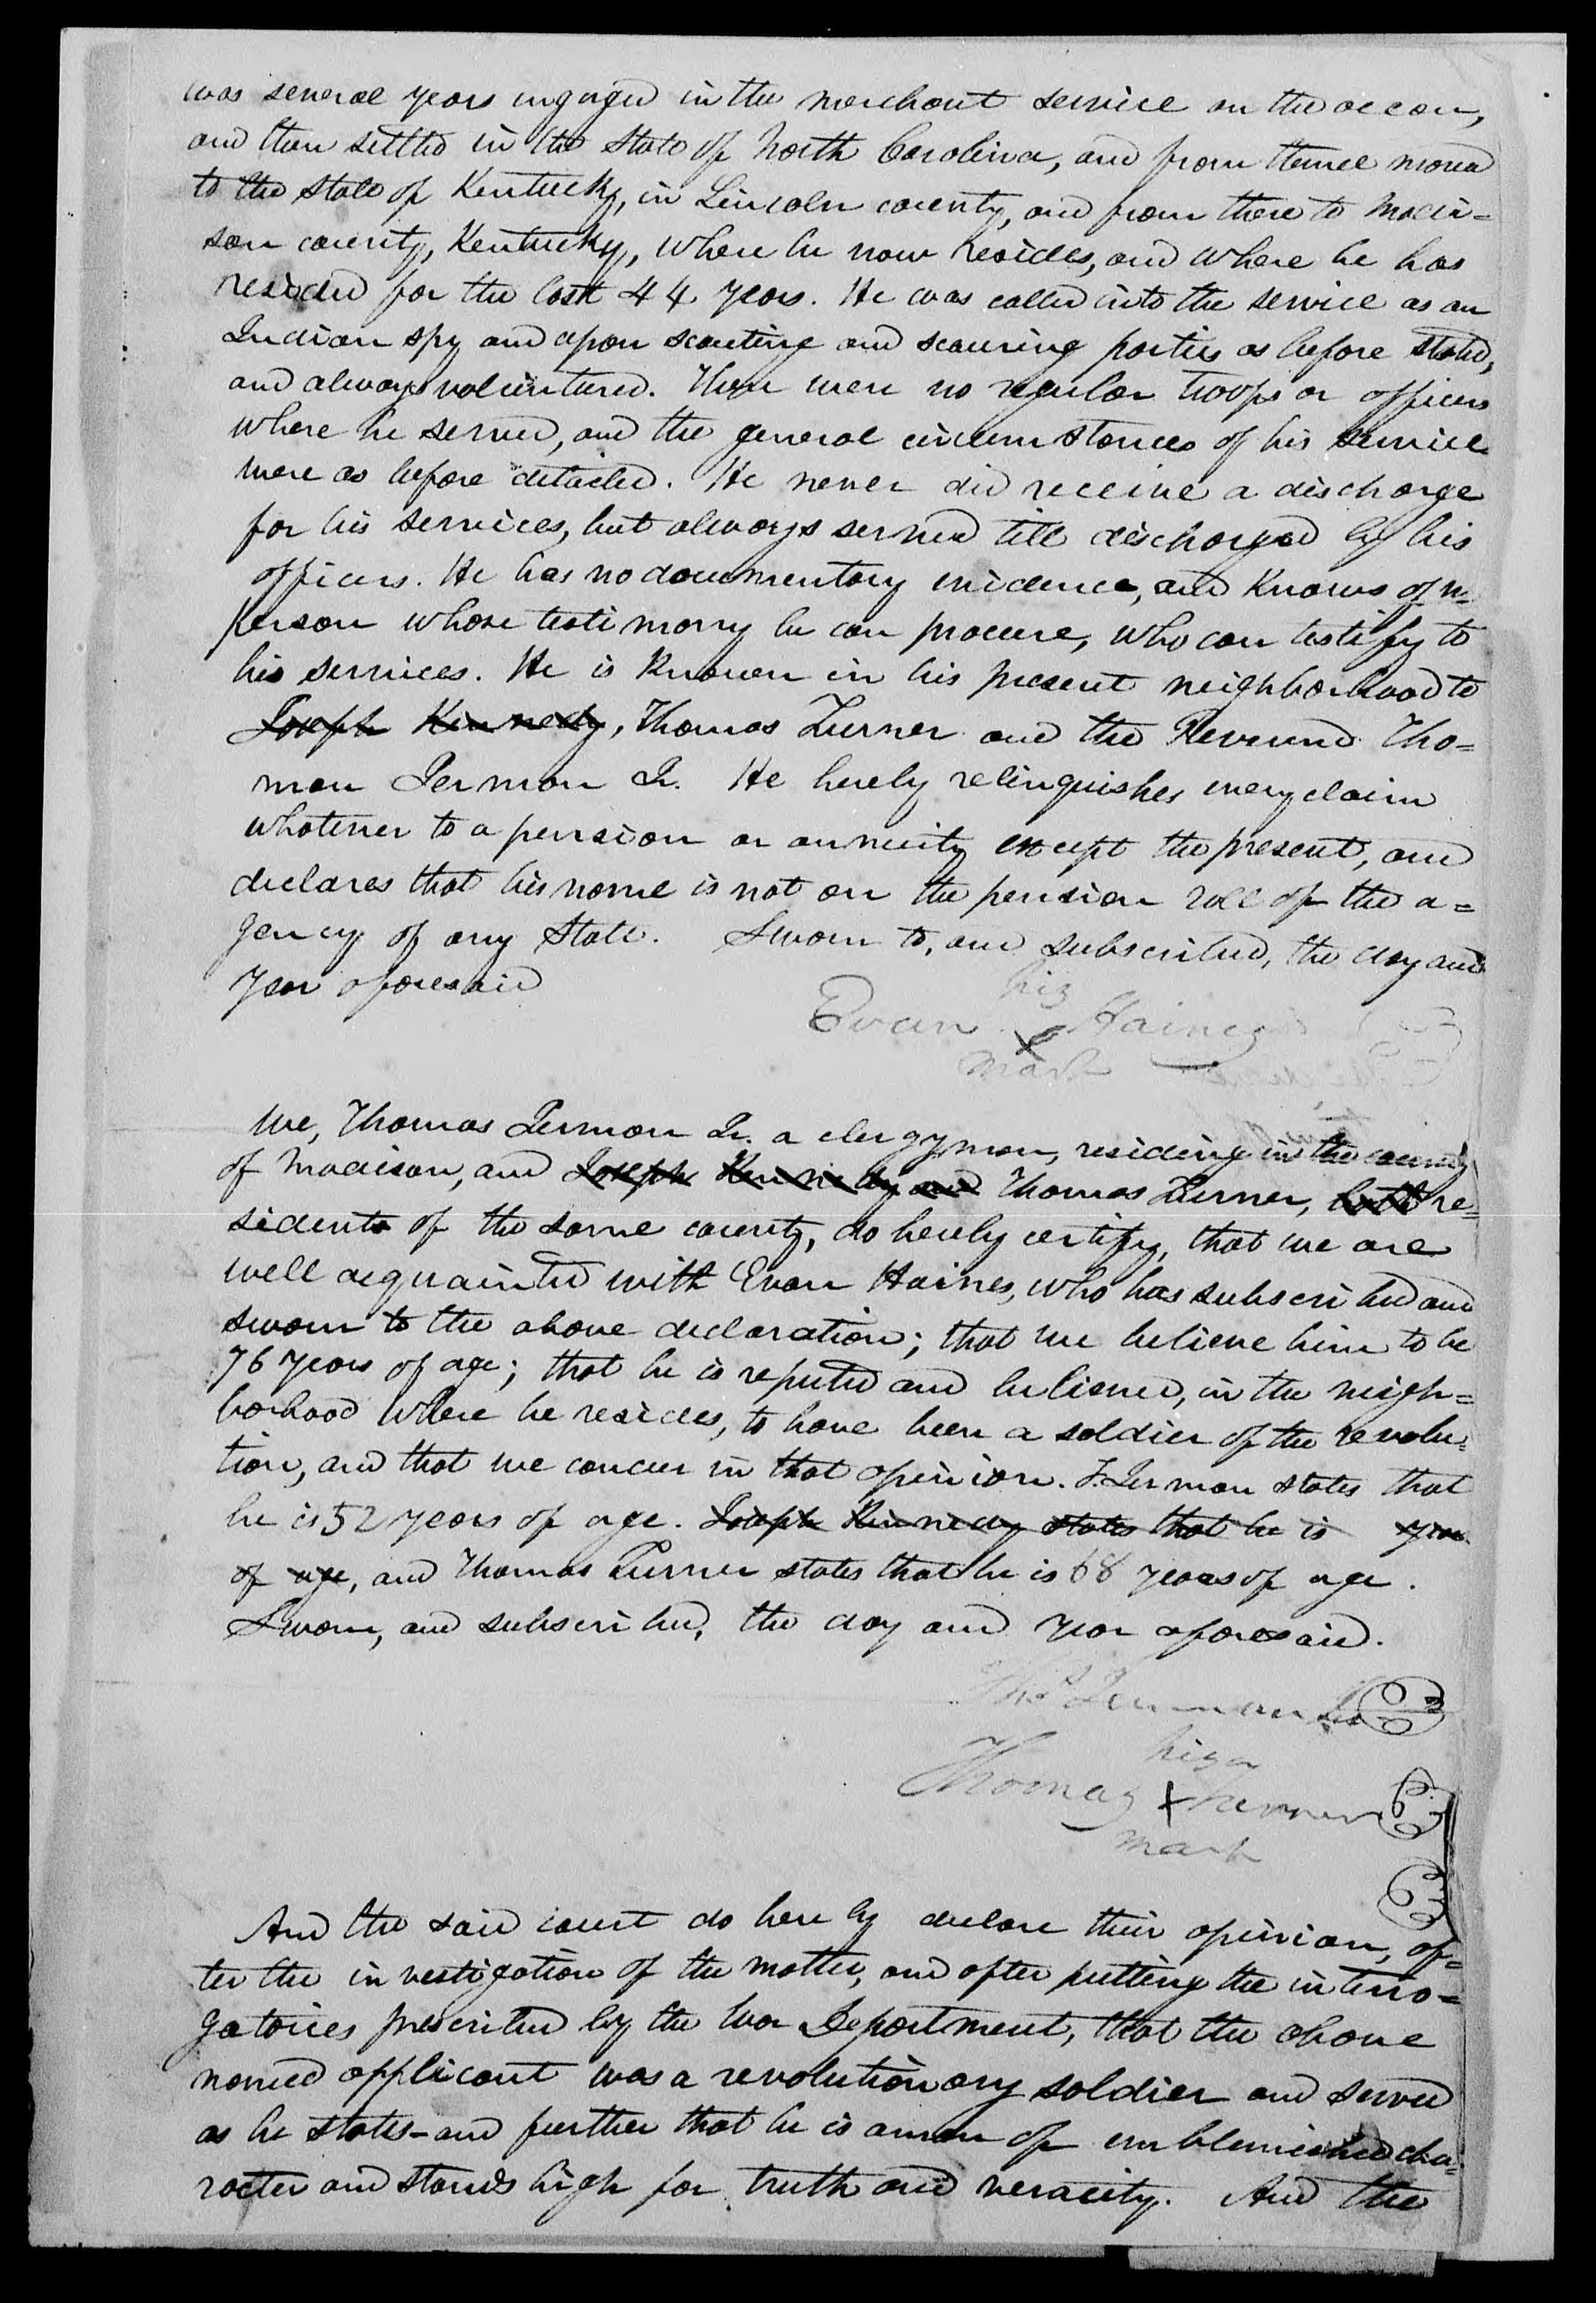was several years engaged in the merchant service on the on call, and then settled in the State of North Carolina, and from there moved to the state of Kentucky in Lincoln Coouty and from there to Madison County, Kentucky, where he now resides, and where he has resided for the last 44 years. He was called into the service as an Indian spy and upon scouting and securing parties as before stated and always volunteered. There were no regular troops or officers where he served and the general circumstances of his service were as before detailed. He never did receive a discharge for his services, but always served till discharged by his officers. He has no documentary evidence, and knows of no person whose testimony he can procure, who can testify to his services. He is known in his present neighborhood to [Joseph Kennedy] (struck out of letter) Thomas Turner and the Reverend Thomas Jermon [sp] Jr. He hereby relinquishes any claim whatever to a pension or annuity except the present, and declares that his name is not on the pension roll of the agency of any State. 
Sworn to our subscribed the
year of aforesaid.
Evan Haines
We, Thomas Jermon, Jr., a clergyman, residing in the county of Madison, and Thomas Turner resident of the same county, do hereby certify that we are well acquainted with Evan Haines, who has subscribed and sworn to the above declaration; that we believe him to be 76 years of age; that he is respected and believed in the neighborhood where he resides to have been a soldier of the revolution, and that we concur in that opinion. T. Jermon states that he is 52 years of age [Joseph Kennedy states that he is years of age] (previous passage struck from document) and Thomas Turner states that he is 68 years of age. 
Sworn and subscribed, this day and year aforesaid.
Thos. Jermon
Thomas Turner
And the said court do hereby declare their opinion after the investigation of the matterand after putting the interrogations prescribed by the war department, that the above named applicant was a revolutionary soldier and served as he states-and further that he is a man of unblemished character and stands high for truth and veracity. And the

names: Thomas Turner, Thomas Turner, Joseph Kennedy, Thomas Jermon, Thomas Turner, Evan Haines, F Jermon, Thoman Jermon, Joseph Kennedy, Evan Haines, Thomas Turner, Joseph Kennedy, Thos Jermon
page: 7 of 34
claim: widow's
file: W. 8897, Evan Haines, Ga